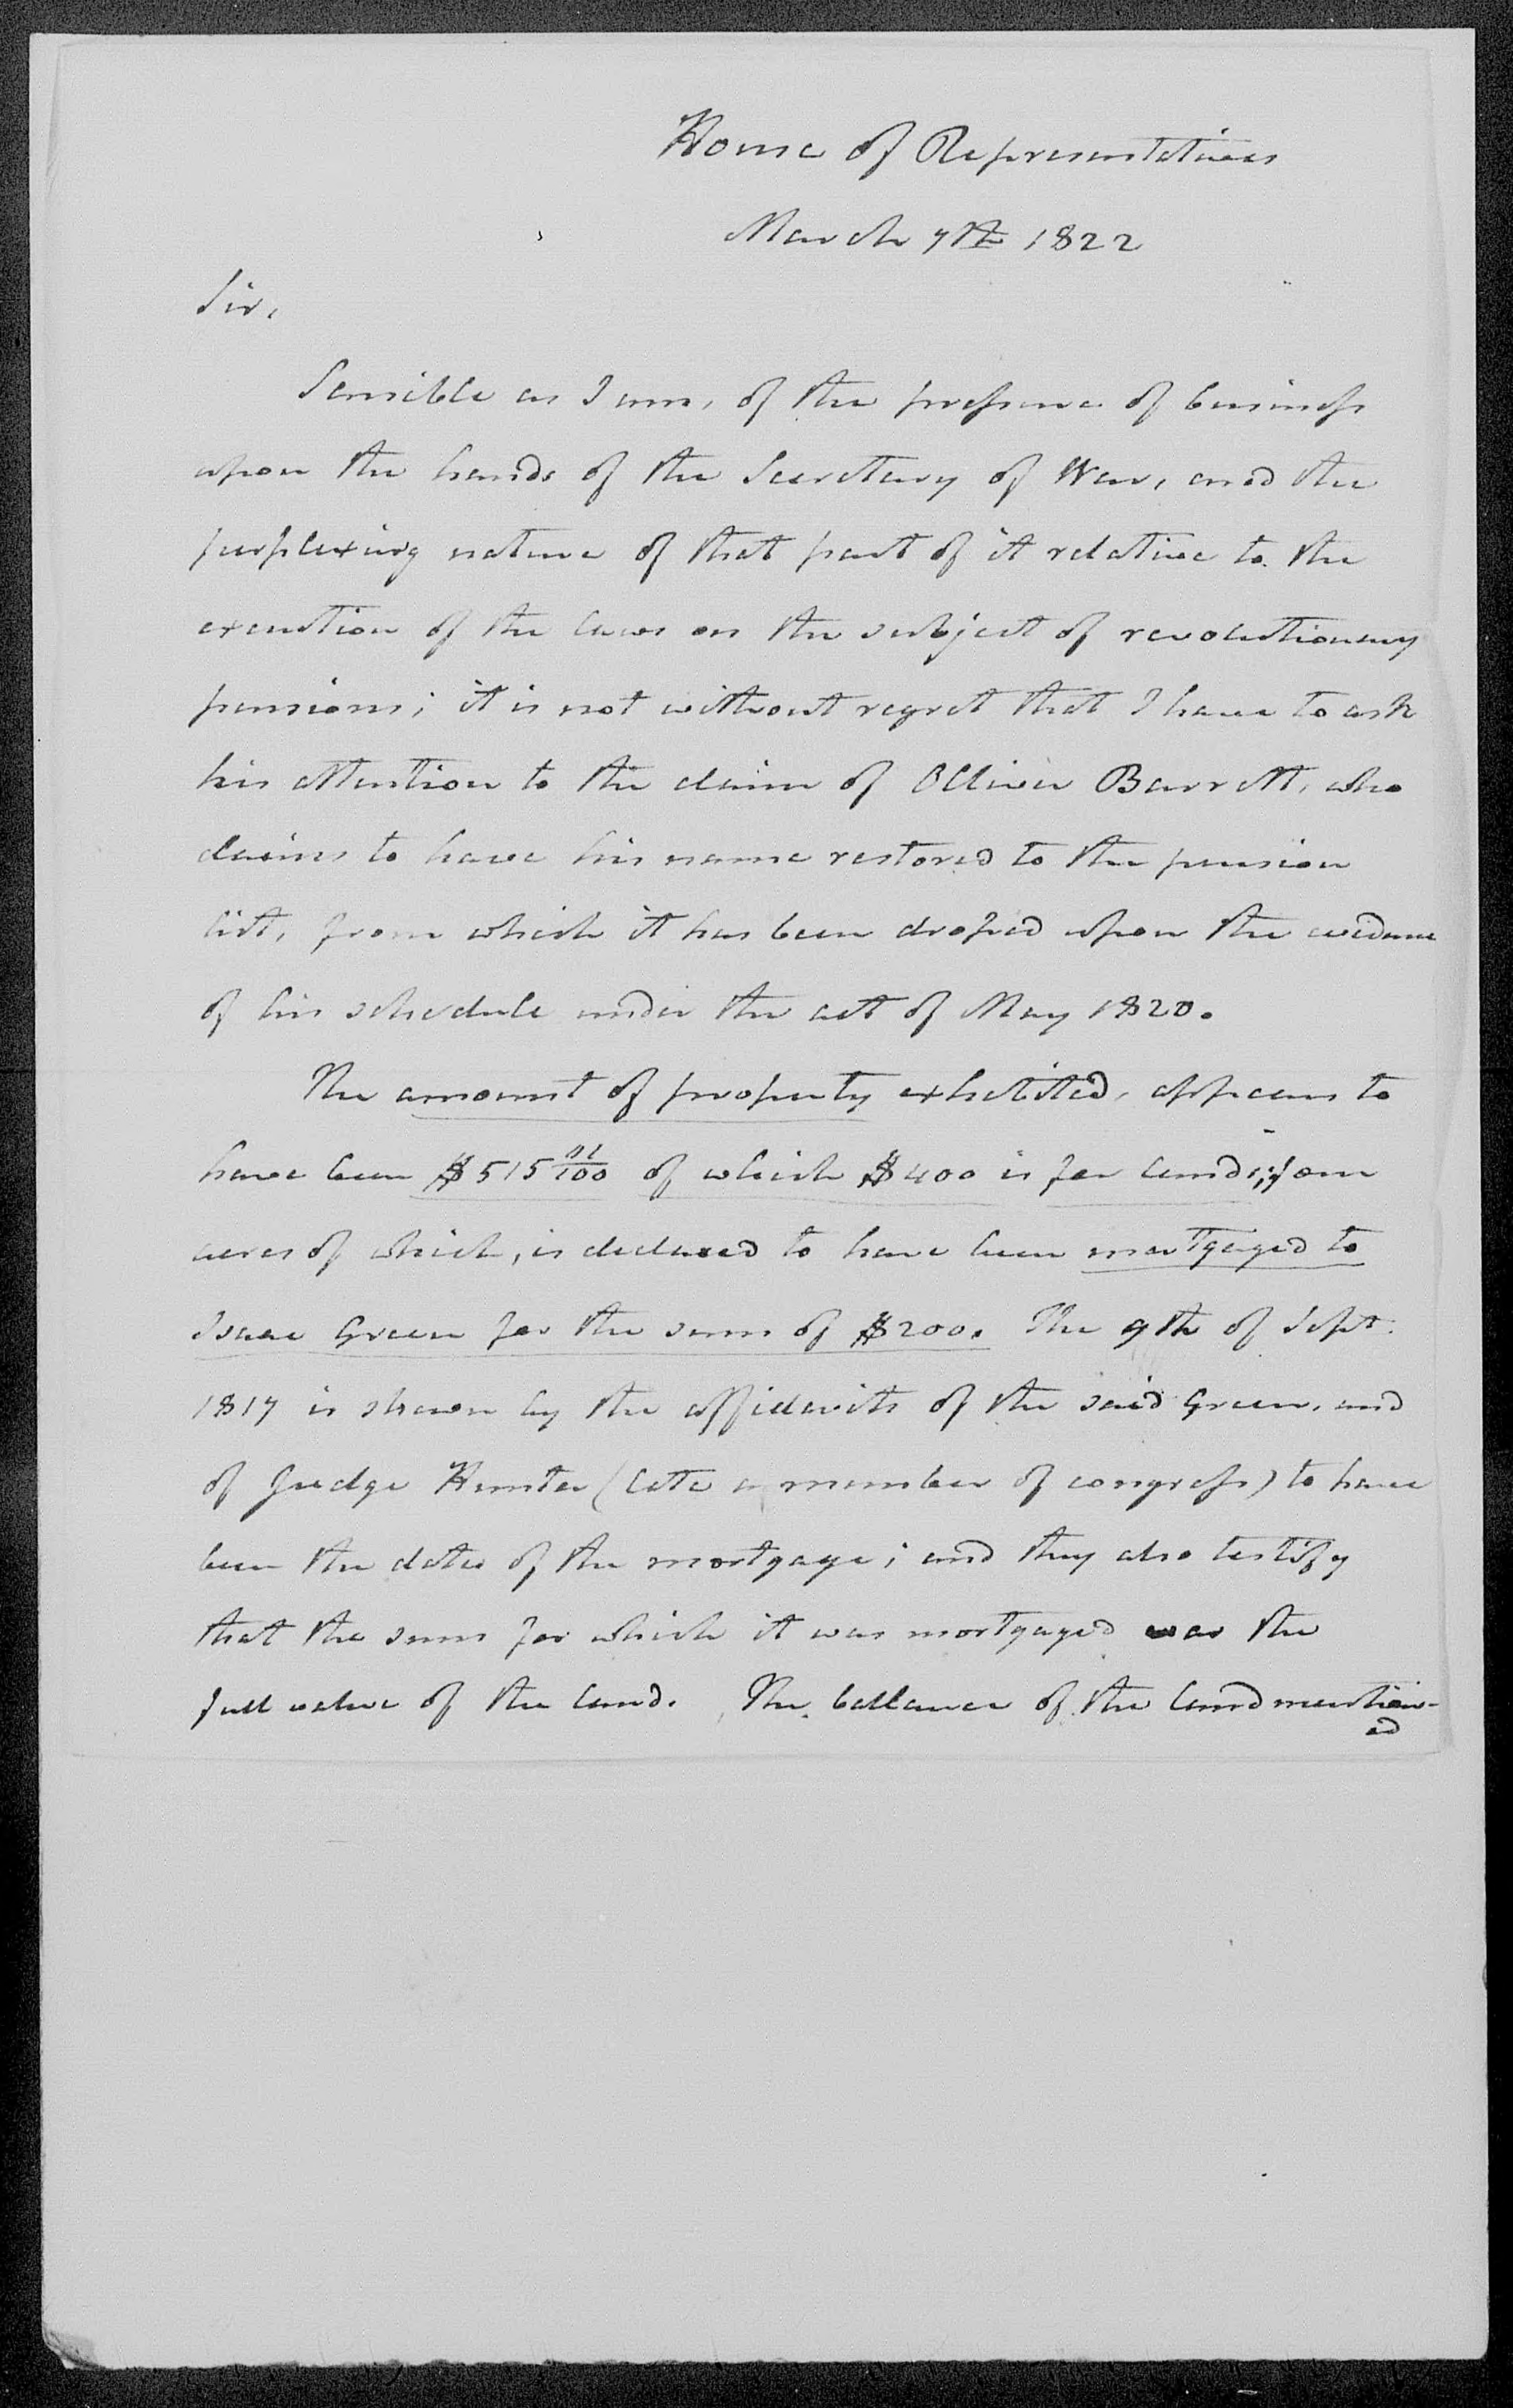House of Representatives
March 7th 1822

Sir
Terrible as I am, of the purpose of business upon the hands of the Secretary of War, and the perplexing nature of that part of it relative to the execution of the laws on the subject of revolutionary pensions; it is not without regret that I have to ask his attention to the claim of Oliver Barrett, who desires to have his name restored to the pension list from which it has been dropped upon the evidence of his schedule under the act of May 1820. 
The amount of property exhibited appears to have been $515 91/100 of which $400 is for land and am here of which is declared to have been mortgaged to Isaac Green for the sum of $200. The 9th of Sept. 1817 is shown by the affidavits  of the said Green and of Judge Hunter (late a member of Congress) to have been the dates of the mortgage; and they also testify that the sums for which it was mortgaged was the full value of the land. The balance of the land mentioned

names: Isaac Green, Hunter, Green, Olliver Barrett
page: 45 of 83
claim: widow's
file: W. 10,384, Oliver Barrett, Continental (Vt.) N.Y.